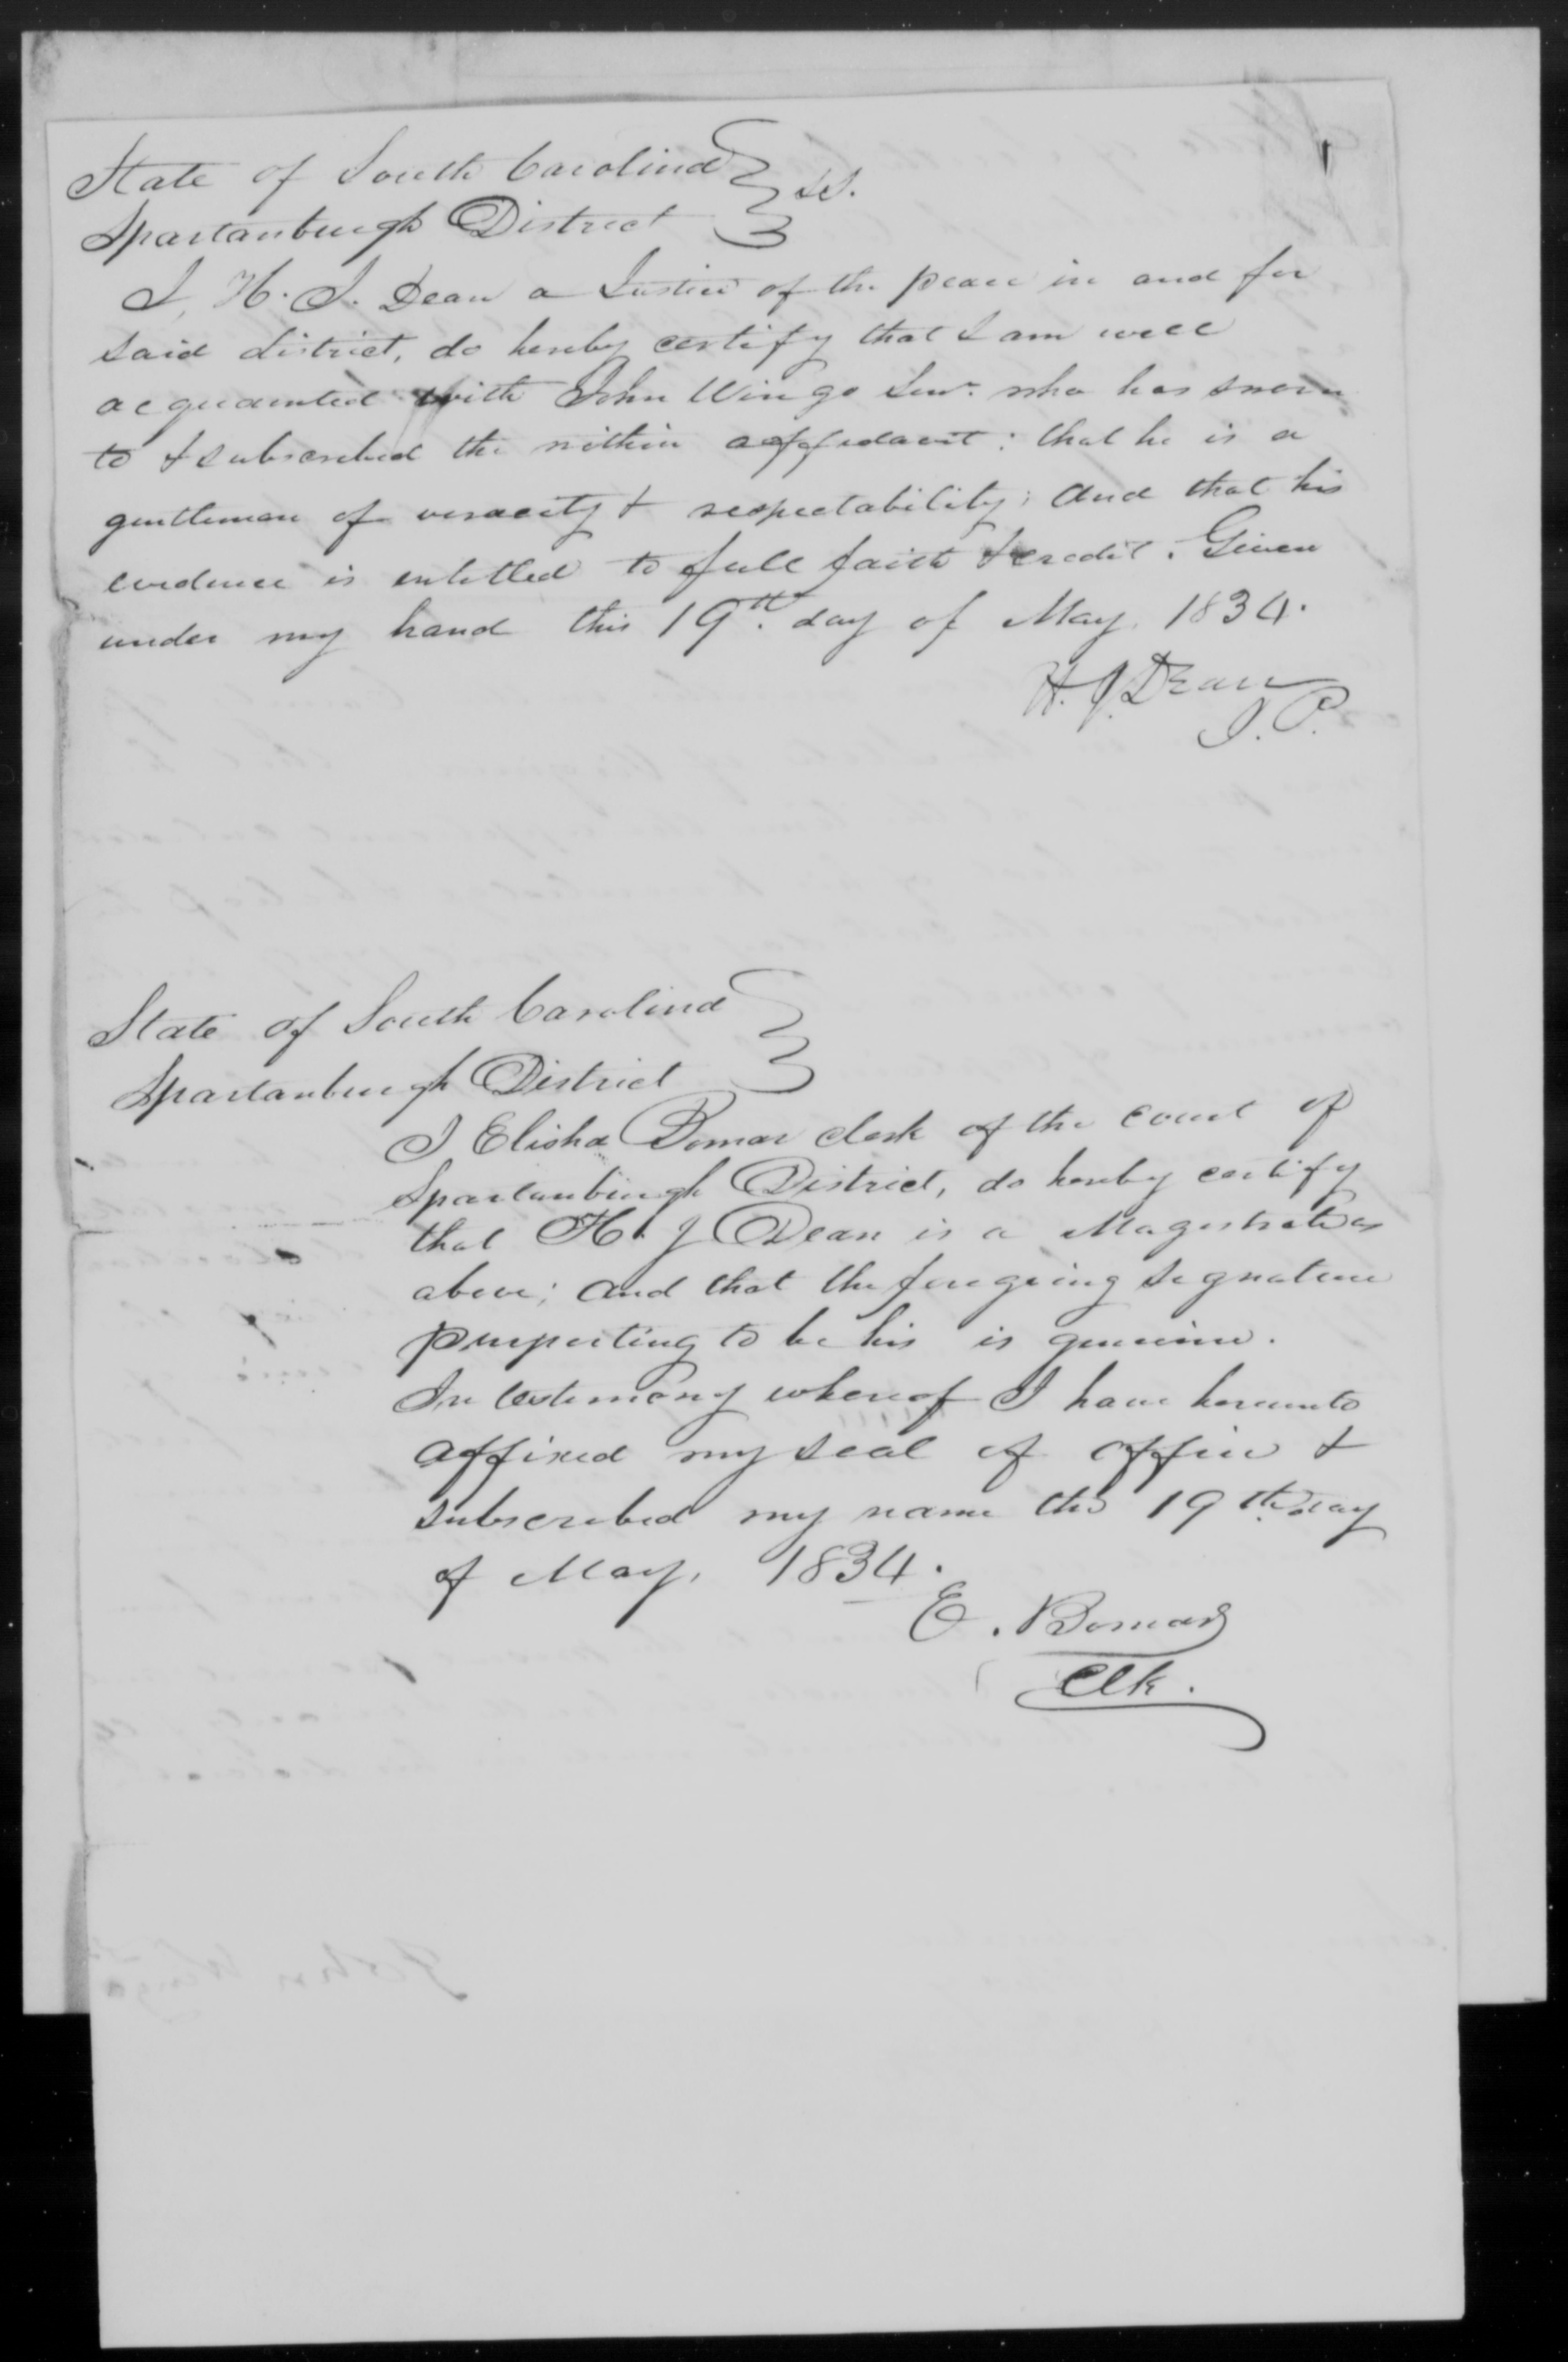State of South Carolina Spartanburgh District} SS.
I H.J. Dean a Justice of the peace in and for said district, do hereby certify that I am well acquainted with John Wingo Senr. who has sworn to & subscribed the within affidavit: that he is a gentleman of veracity & respectability and that his evidence is entitled to full faith & credit. Given under my hand this 19th day of May1834 H.J. Dean J.P.

State of South Carolina Spartanburgh District}
I Elisha Bomar clerk of the Court of Spartanburgh District, do hereby certify that H. J. Dean is a Magistrate as above and that the foregoing signature purporting to be his is genuine. In testimony whereof I have hereunto set my hand and affixed my seal of office the 19th day of Mary 1834. E. Bomar Clk.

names: Elisha Bomar, John Wingo, H J Dean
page: 15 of 19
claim: survivor's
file: S. 7,896, William Wingo, Va.